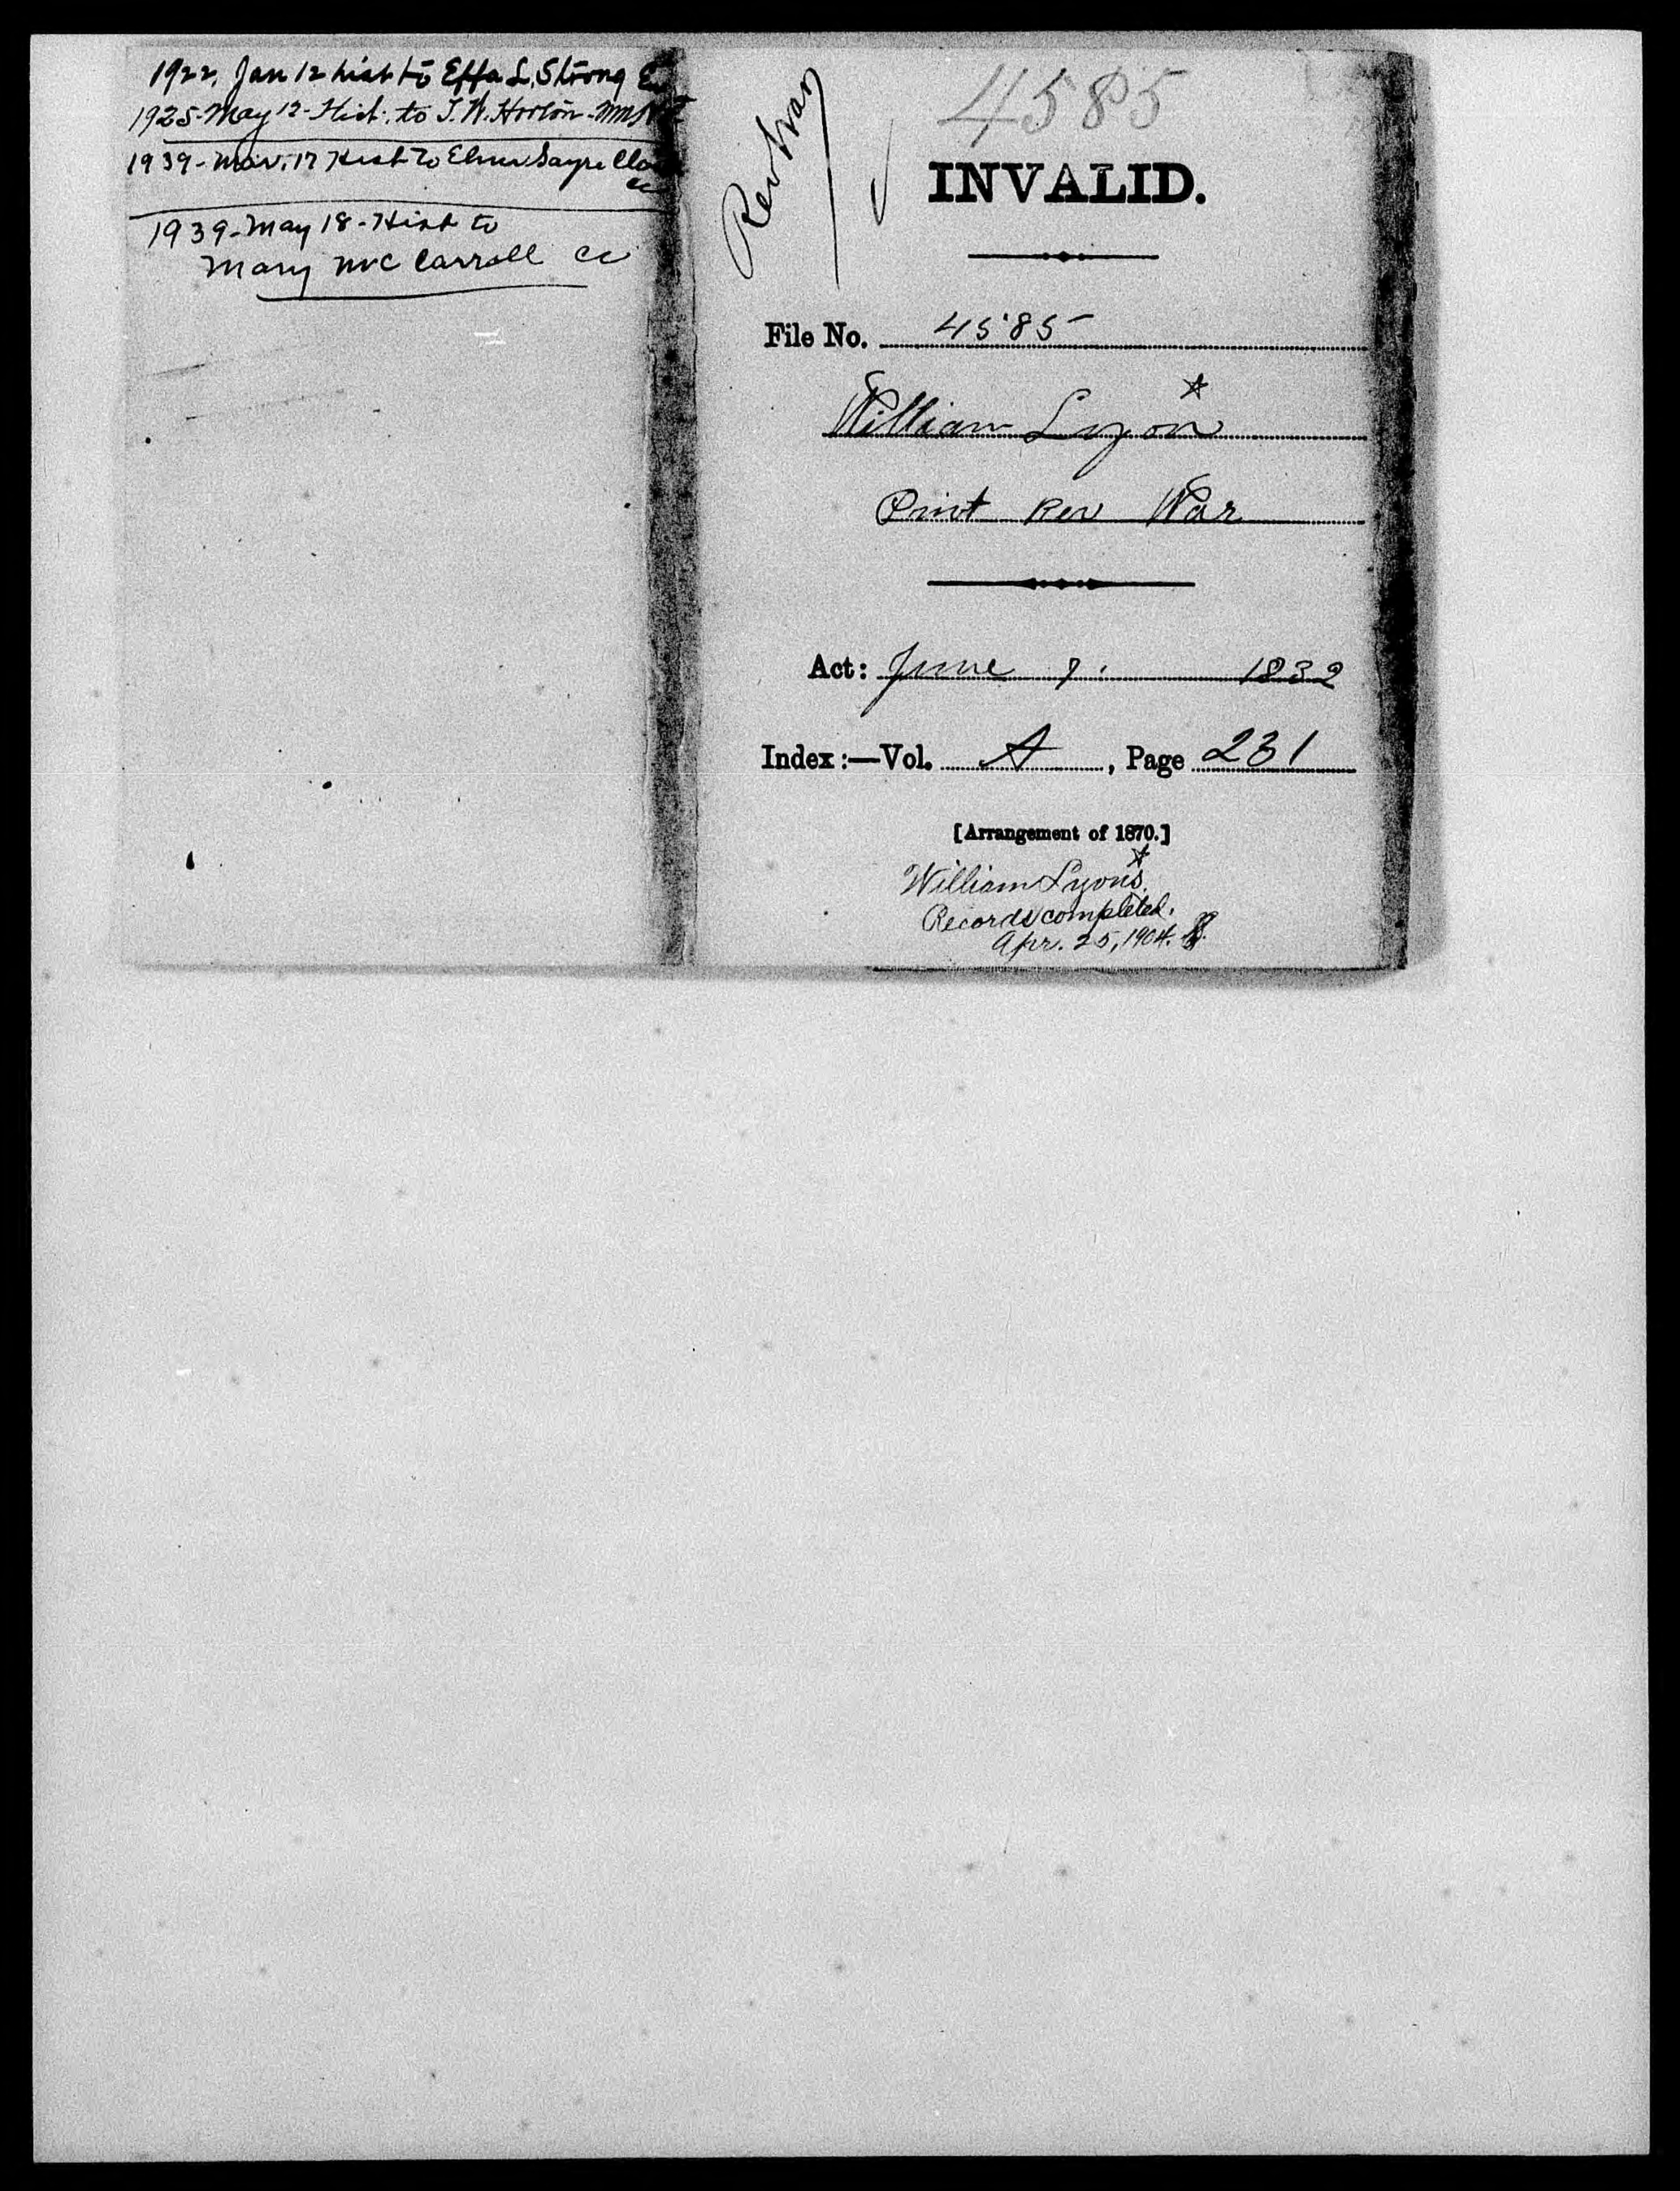1922 Jan 12 hist to Effa L Strong
1925 May 12 Hist to J W Harton 
1939 Mar 17 Hist to Ehren Sayre Clerk act
1939 May 18 Hist to Mary Mc Carroll

Rev War 4585
INVALID

File No 4585
William Lyon
Privt Rev War
Act: June 8 1832
Index: Vol. A Page 231
(Arrangement of 1870)
William Lyons, 
Records completed
Apr 25, 1904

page: 28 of 41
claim: survivor's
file: S. 4585, for William Lyons, Pennsylvania